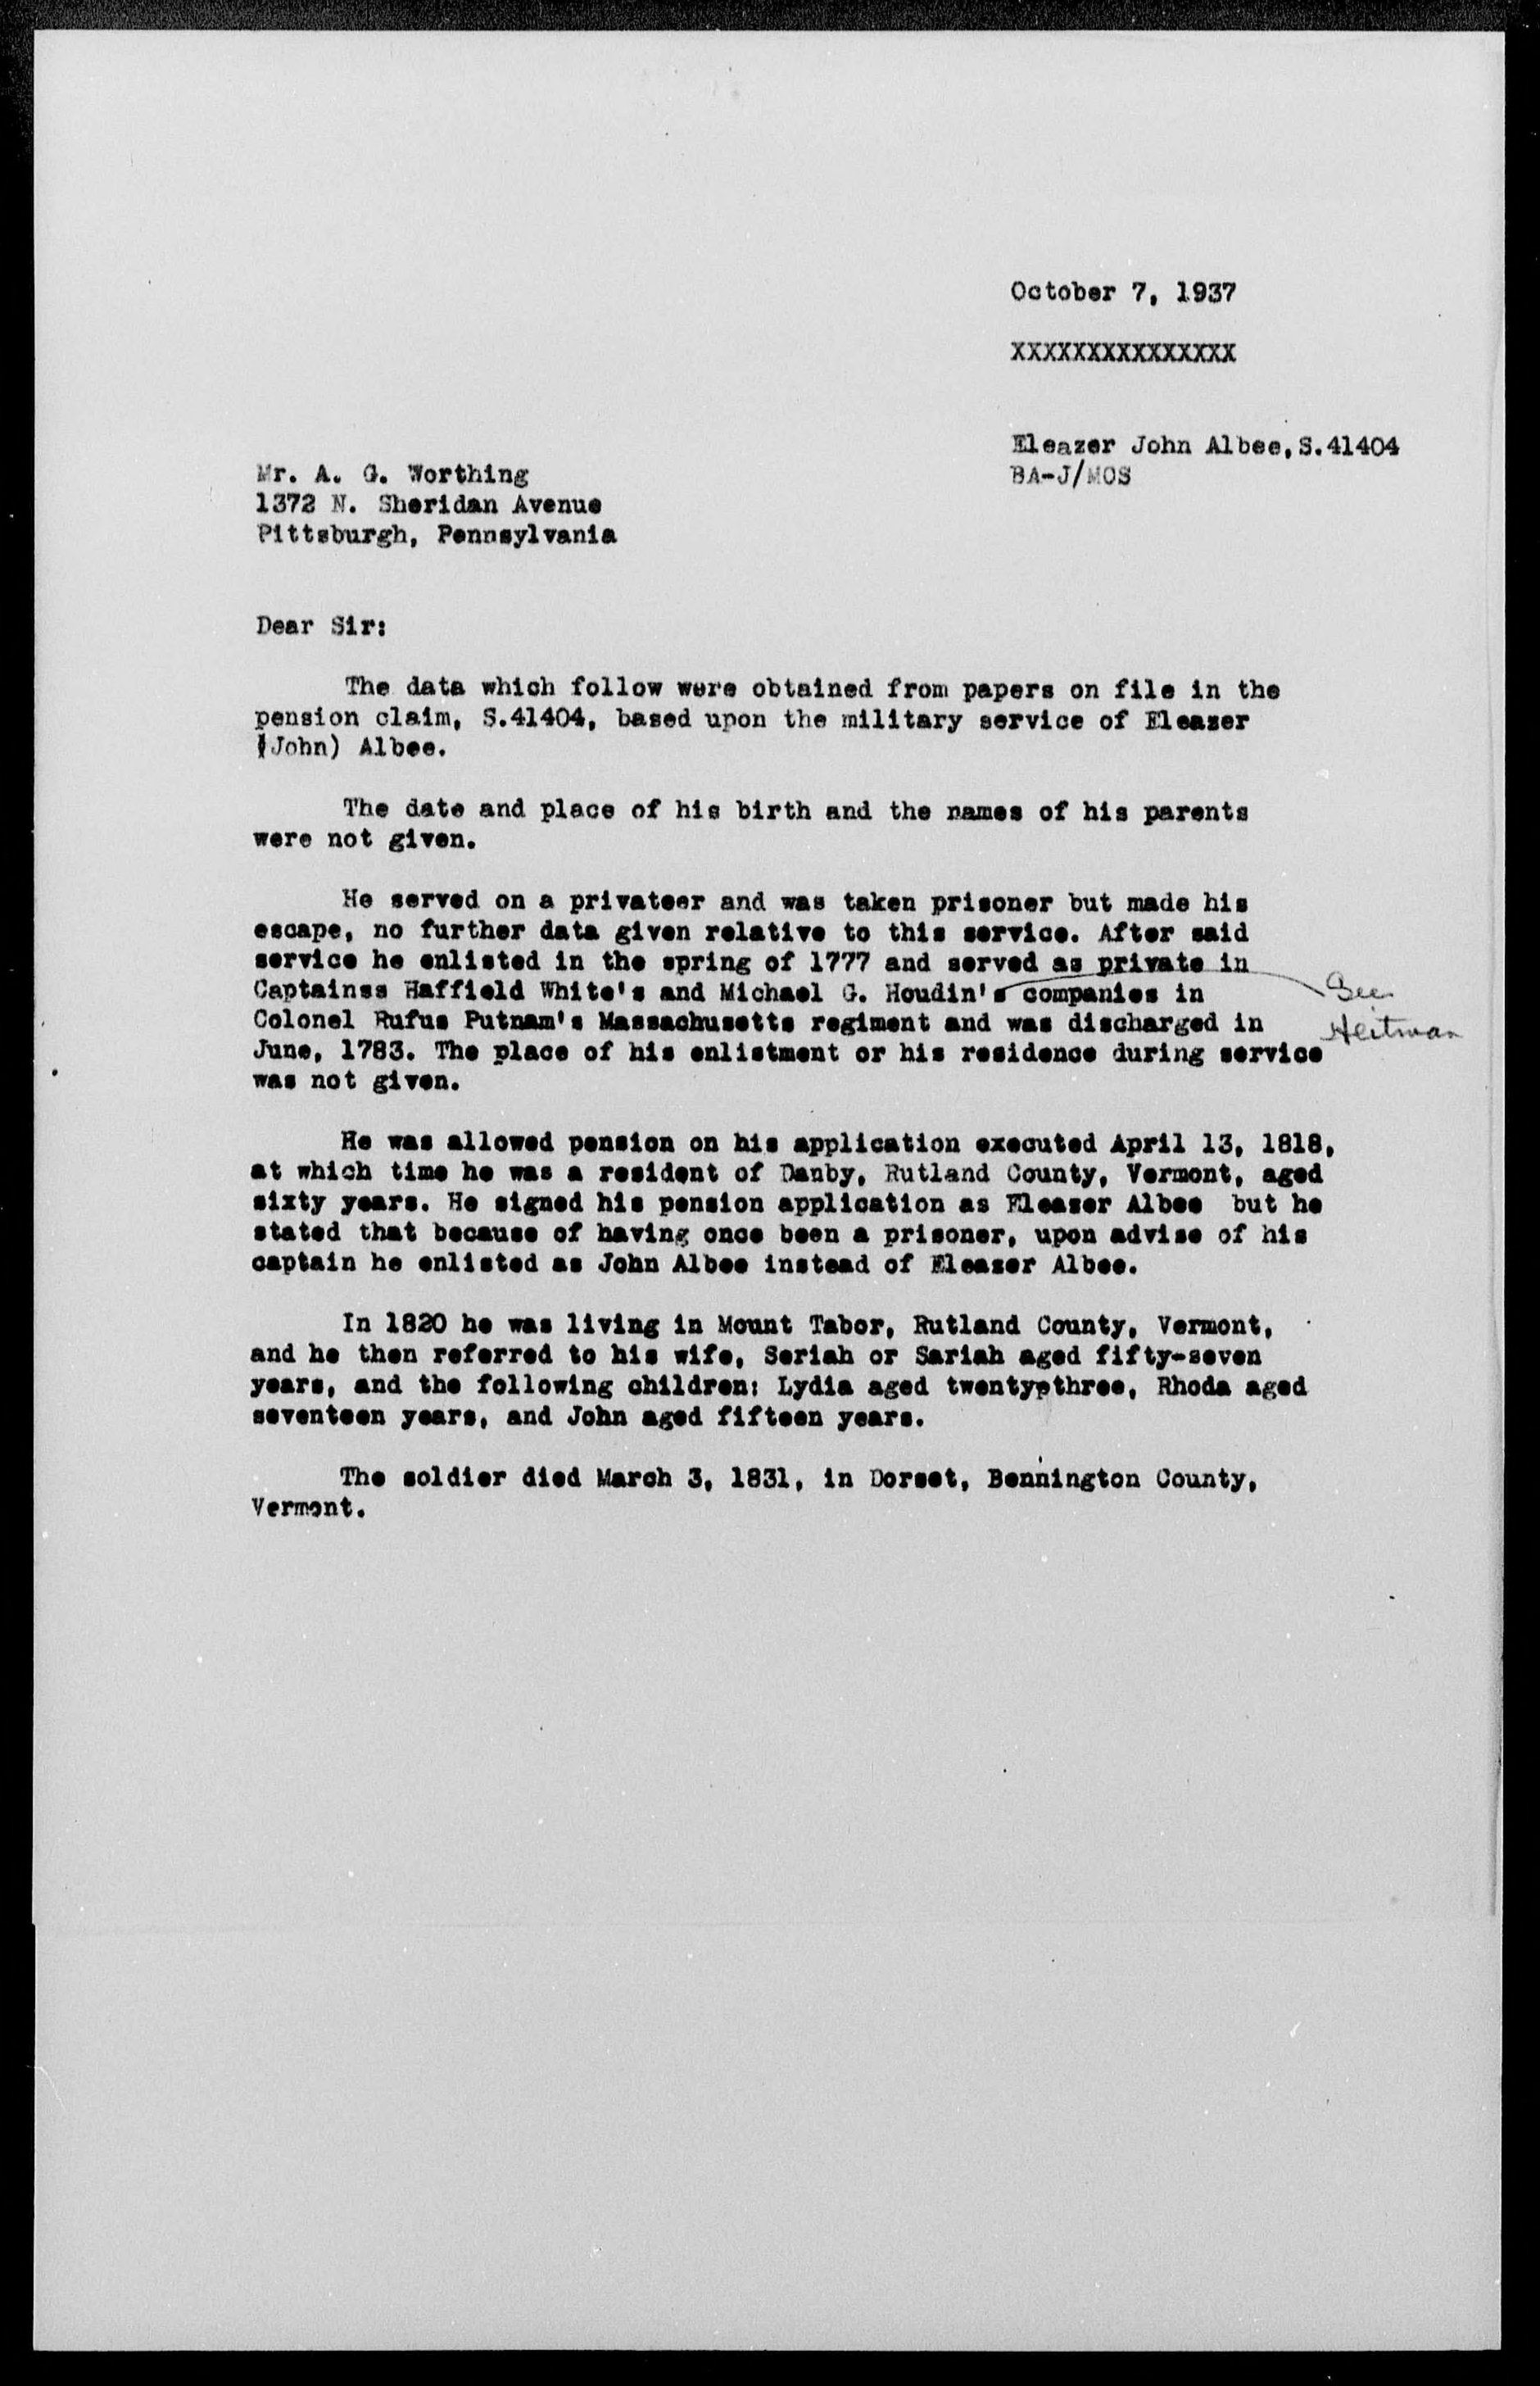October 7, 1937


Eleazer John Albee, S. 41404

Mr. A. G. Worthing
1372 N. Sheridan Ave.
Pittsburgh, Pennsylvania


Dear Sir:

The data which follow were obtained from papers on file in the pension claim, S. 41404, based upon the military service of Eleazer (John) Albee.

The date and place of his birth and the names of his parents were not given.

He served as a privateer and was taken prisoner but made his escape, no further data given relative to this service.  After said service he enlisted in the spring of 1779 and served as private in Captain Haffield White's and Michael G. Houdin's  (see Heitman) companies in Colonel Rufus Putnam's Massachusetts regiment and was discharged in June, 1783.  The place of his enlistment or his residence during service was not given.

He was allowed pension on his application executed April 13, 1818, at which time he was a resident of Danby, Rutland County, Vermont, aged sixty years.  He signed his pension application as Eleazer Albee but he stated that because of having once been a prisoner, upon advise of his captain he enlisted as John Albee instead of Eleazer Albee.

In 1820 he was living in Mount Tabor, Rutland County, Vermont, and he then referred to his wife, Seriah, or Sariah aged fifty-seven years, and the following children:  Lydia aged twenty three, Rhoda aged seventeen years, and John aged fifteen years.

The soldier died March 3, 1831 in Dorset, Bennington County, Vermont.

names: John Albee, Eleazer Albee, Lydia, Rhoda, Eleazer Albee, Eleazer John Albee, Sariah, Seriah, A G Worthing, John Albee, John, Eleazer Albee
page: 12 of 29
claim: survivor's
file: S 41404, Eleazer John Albee, Mass. Privateer